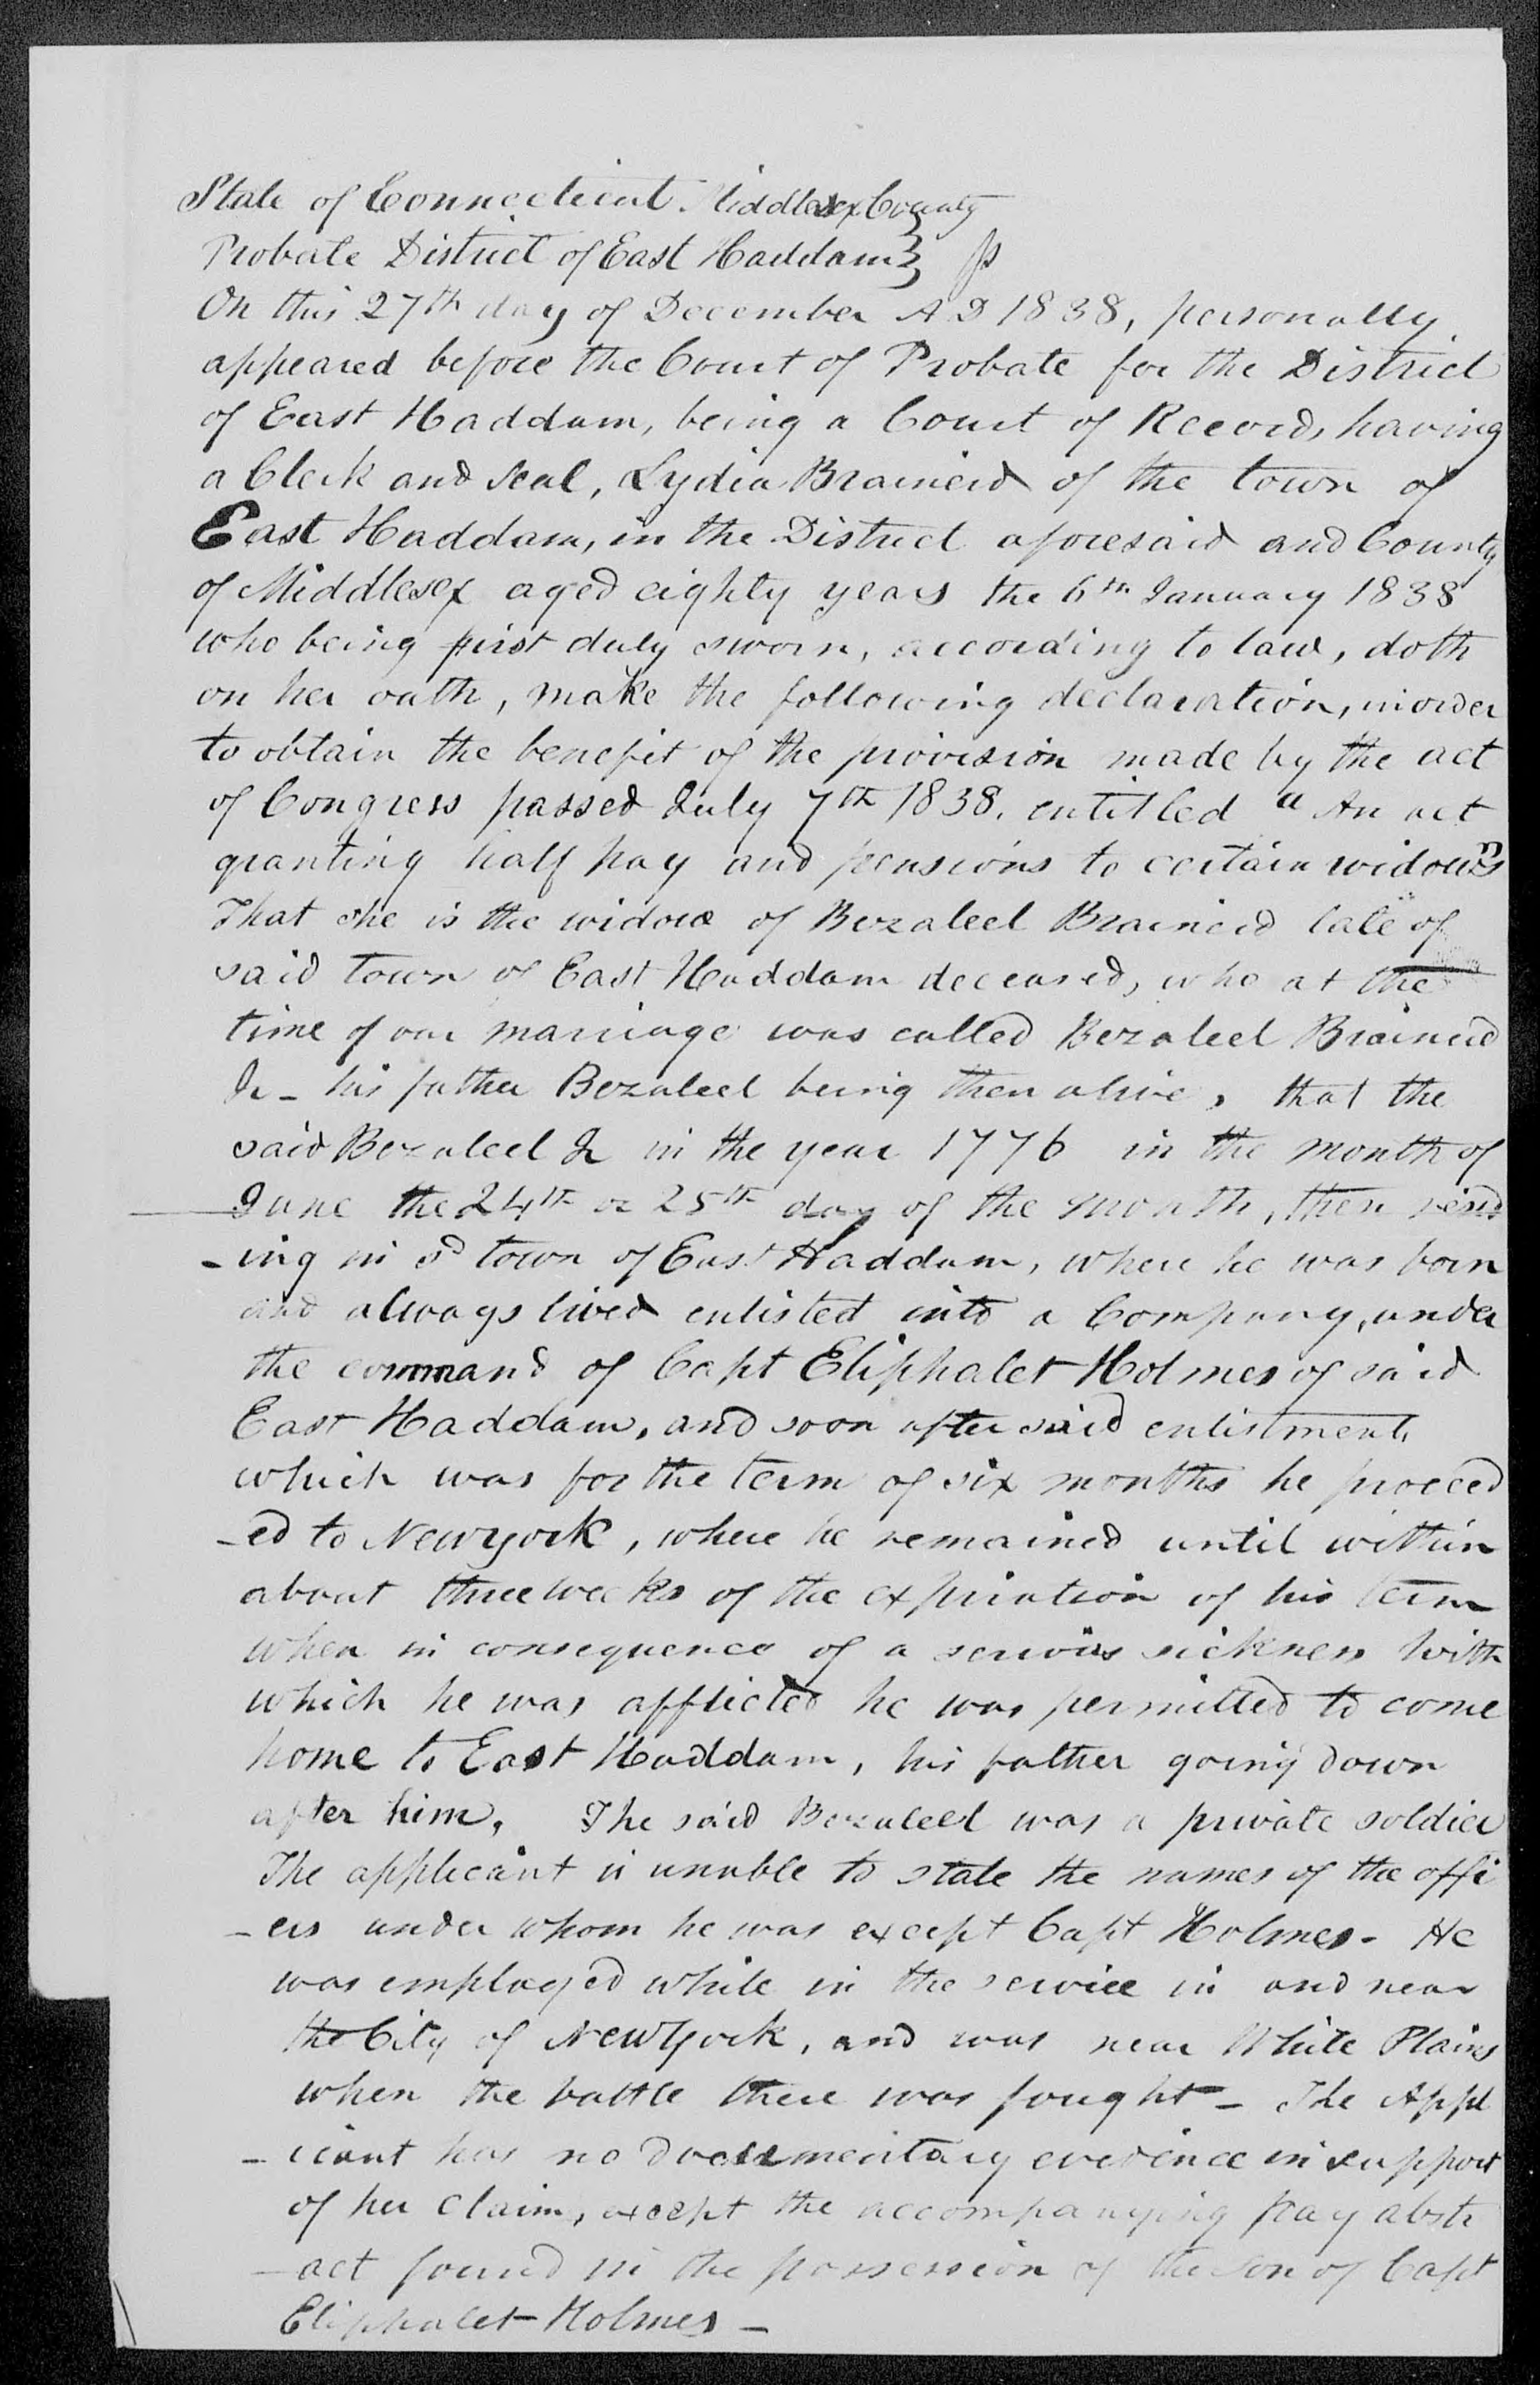State of Connecticut Middlesex County}
Probate District of East Haddam} ss
On this 27th day of December AD 1838, personally appeared before the Court of Probate for the District of East Haddam, being a Court of Record, having a Clerk and Seal, Lydia Brainerd of the town of East Haddam, in the District aforesaid and County of Middlesex aged eighty years the 6th January 1838 who being first duly sworn, according to law, doth on her oath, make the following declaration, in order to obtain the benefit of the provision made by the act of Congress passed July 7th 1838, entitled "An act granting half pay and pensions to certain widows". That she is the widow of Bezaleel Brained late of said town of East Haddam deceased, who at the time of our marriage was called Bezaleel Brainerd Jr - his father Bezaleel being then alive, that the said Bezaleel Jr in the year 1776 in the month of June the 24th or 25th day of the month, then residing in s'd town of East Haddam, where he was born and always lived enlisted into a company, under the command of Capt Eliphalet Holmes of said East Haddam, and soon after said enlistment, which was for the term of six months he proceeded to New York, where he remained until within about three weeks of the expiration of his term when in consequence of a services sickness with which he was afflicted he was permitted to come home to East Haddam, his father going down after him, the said Bezaleel was a private soldier.
The applicant is unable to state the names of the officers under whom he was except Capt Holmes. He was employed while in the service in and near the City of New York, and was near White Plains when the battle there was fought. The Applicant has no documentary evidence in support of her claim, except the accompanying pay abstract found in the possession of the Son of Capt Eliphalet Holmes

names: Bezaleel, Eliphalet Holmes, Lydia Brainerd, Bezaleel Brainerd, Eliphalet Holmes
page: 4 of 25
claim: widow's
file: W. 23,671, Bezaleel Brainard, Conn.